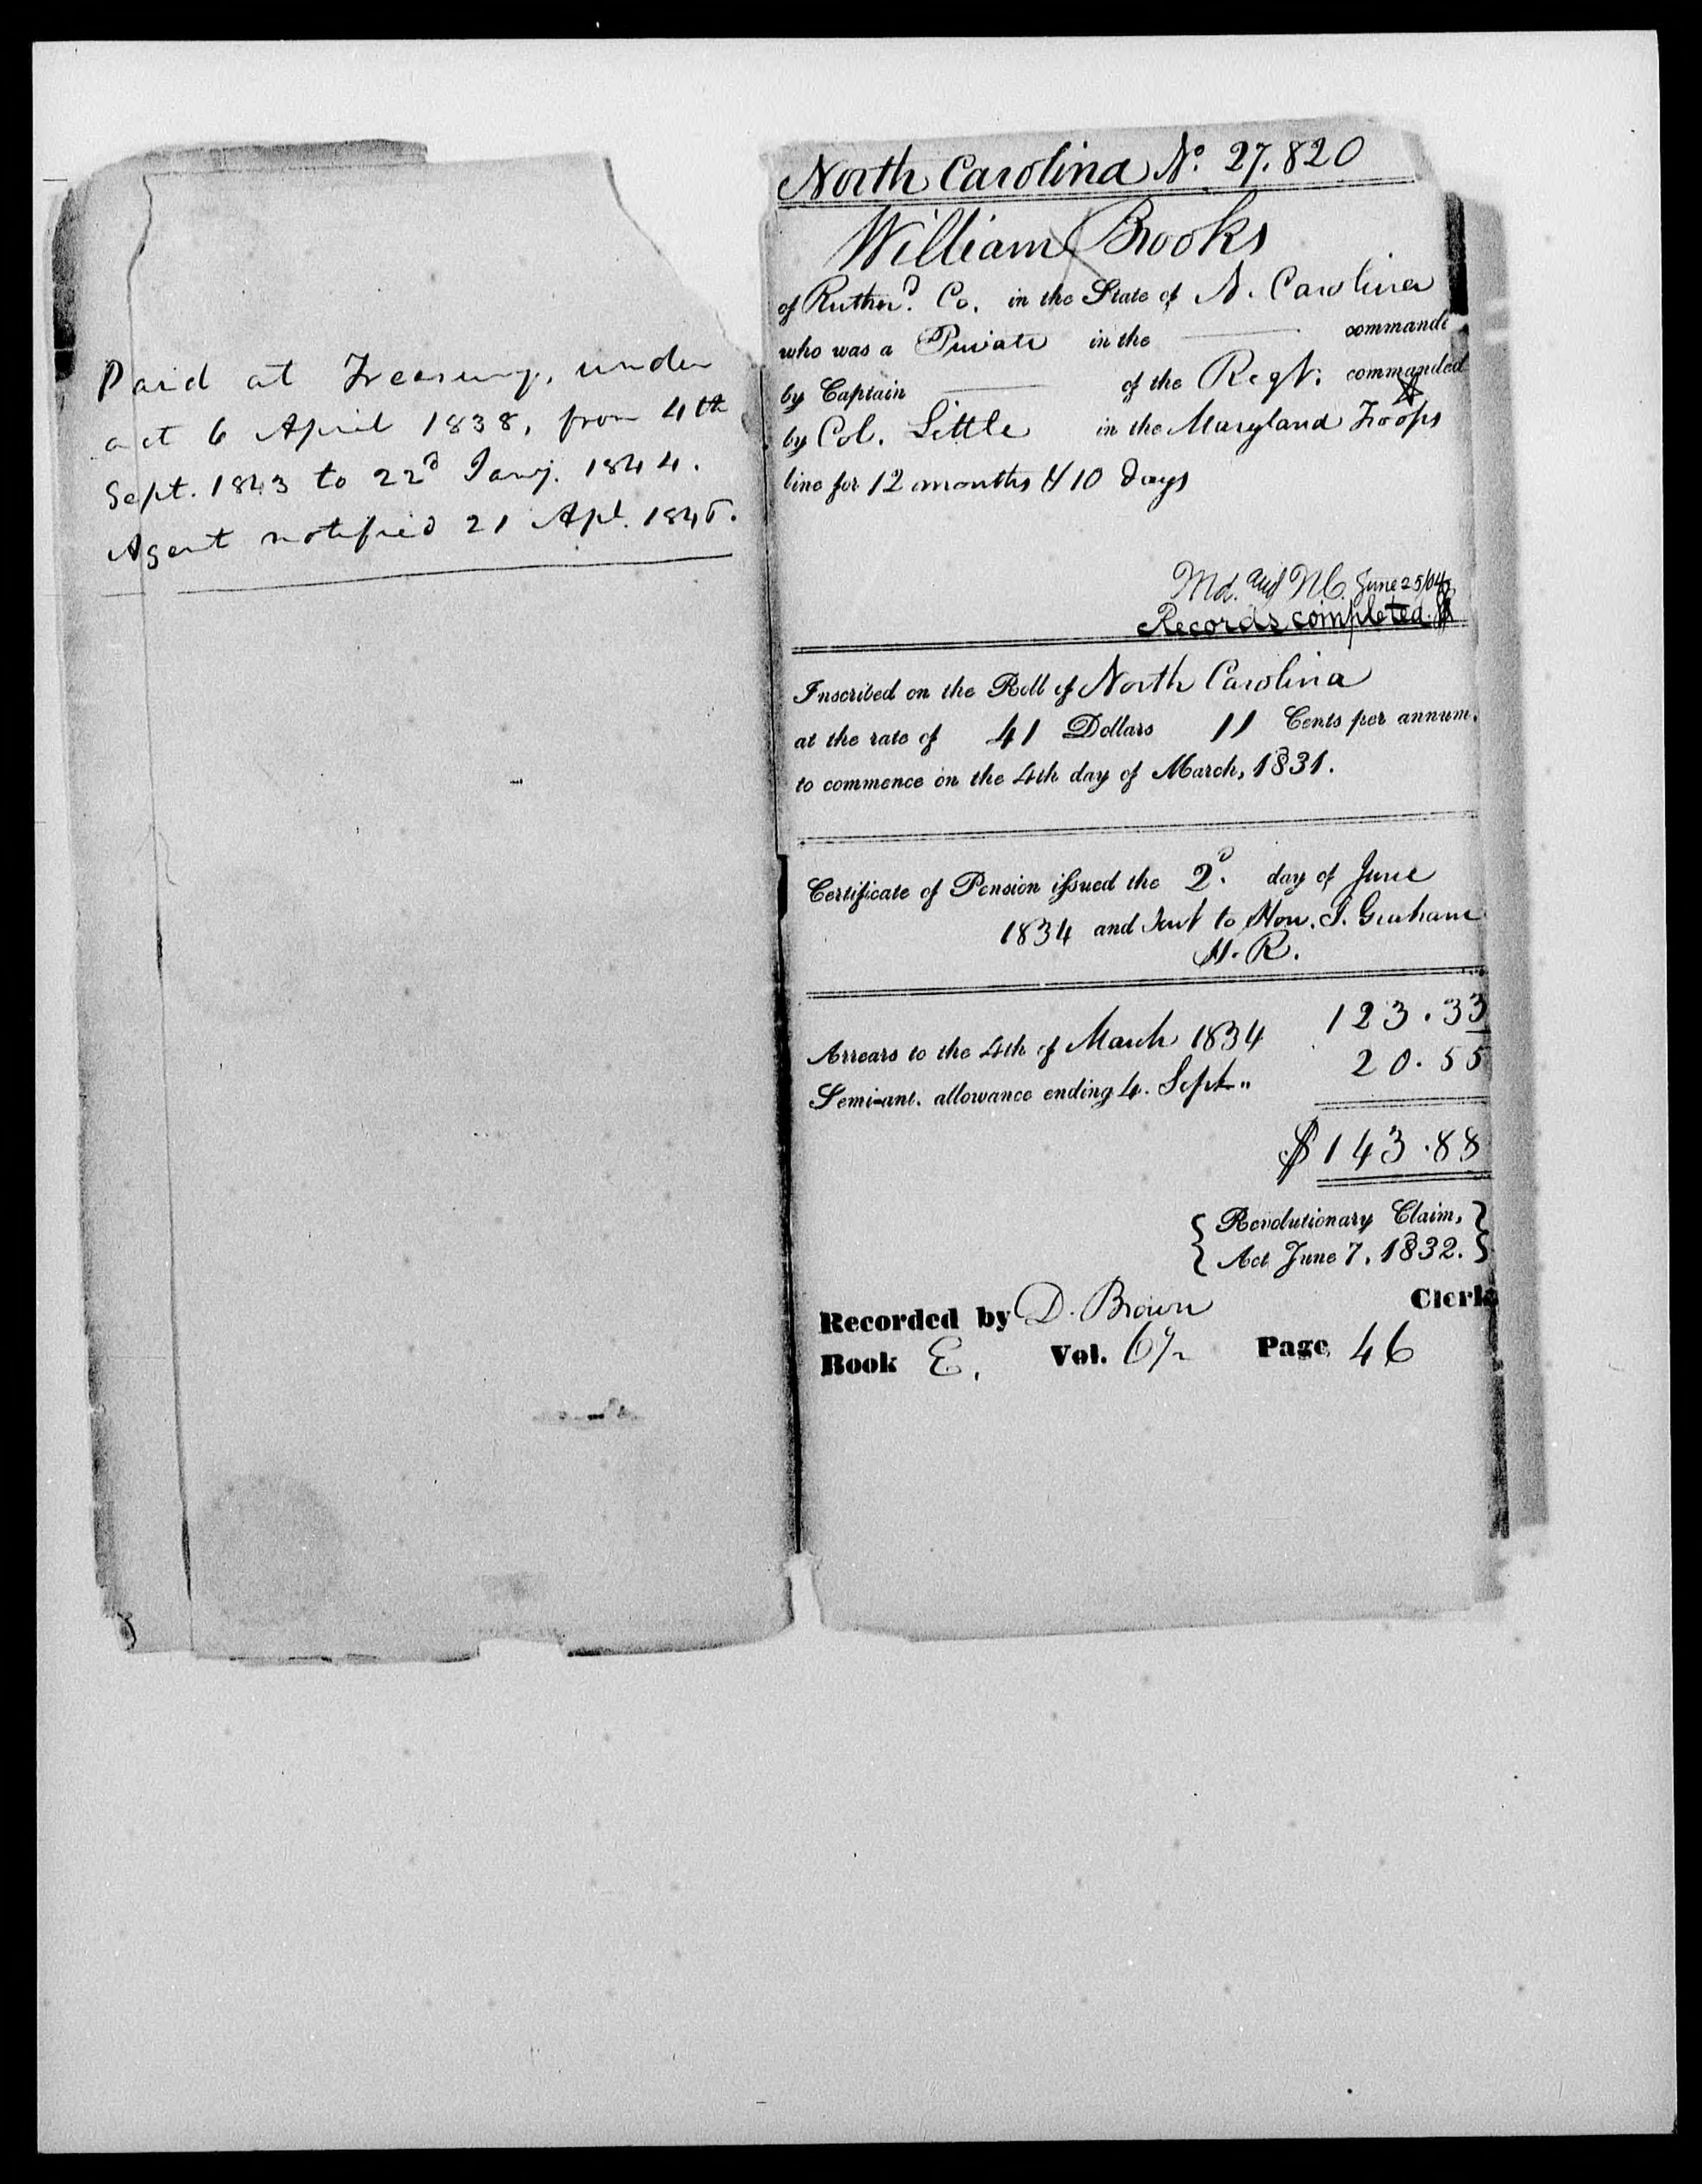[typed form, with handwritten responses]
[left side of page]
Paid at Treasury under act 6 April 1838, from 4th Sept. 1843 to 22 Jan. 1844. 
Agent notified 21. Apr. 1845.

[typed form, with handwritten responses]
[right side of page]
North Carolina N. 27.820
William Brooks of Ruther? Co. in the State of N. Carolina who was a Private in the ______ command by Captain ______ of the Reg. commanded by Col. Little in the Maryland  line for 12 months & 10 days

MD and N.C June 25/040
___________________________Records Completed
Inscribed on the Roll of North Carolina at the rate of 41 Dollars 11 cents fiet annum. to commence on the 4th day of March, 1831.

_________________________________________________

Certificate of Pension issued on the 2nd day of June 1834 and Just to Now. J. Graham. M.R.

________________________________________________

Arrears to the 4th of March 1834     
Semi-anl allowance ending 4. Sept.

123. 33.
  20.55
____________
$143. 88

{Revolutionary Claim,
Act June 7, 1832}

Recorded by D. Brown                             Clerk
Book 3.         Vol. 69.   Page 46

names: D Brown, William Brooks, Little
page: 2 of 17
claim: survivor's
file: S. 6717, William Brooks, Md. N.C.